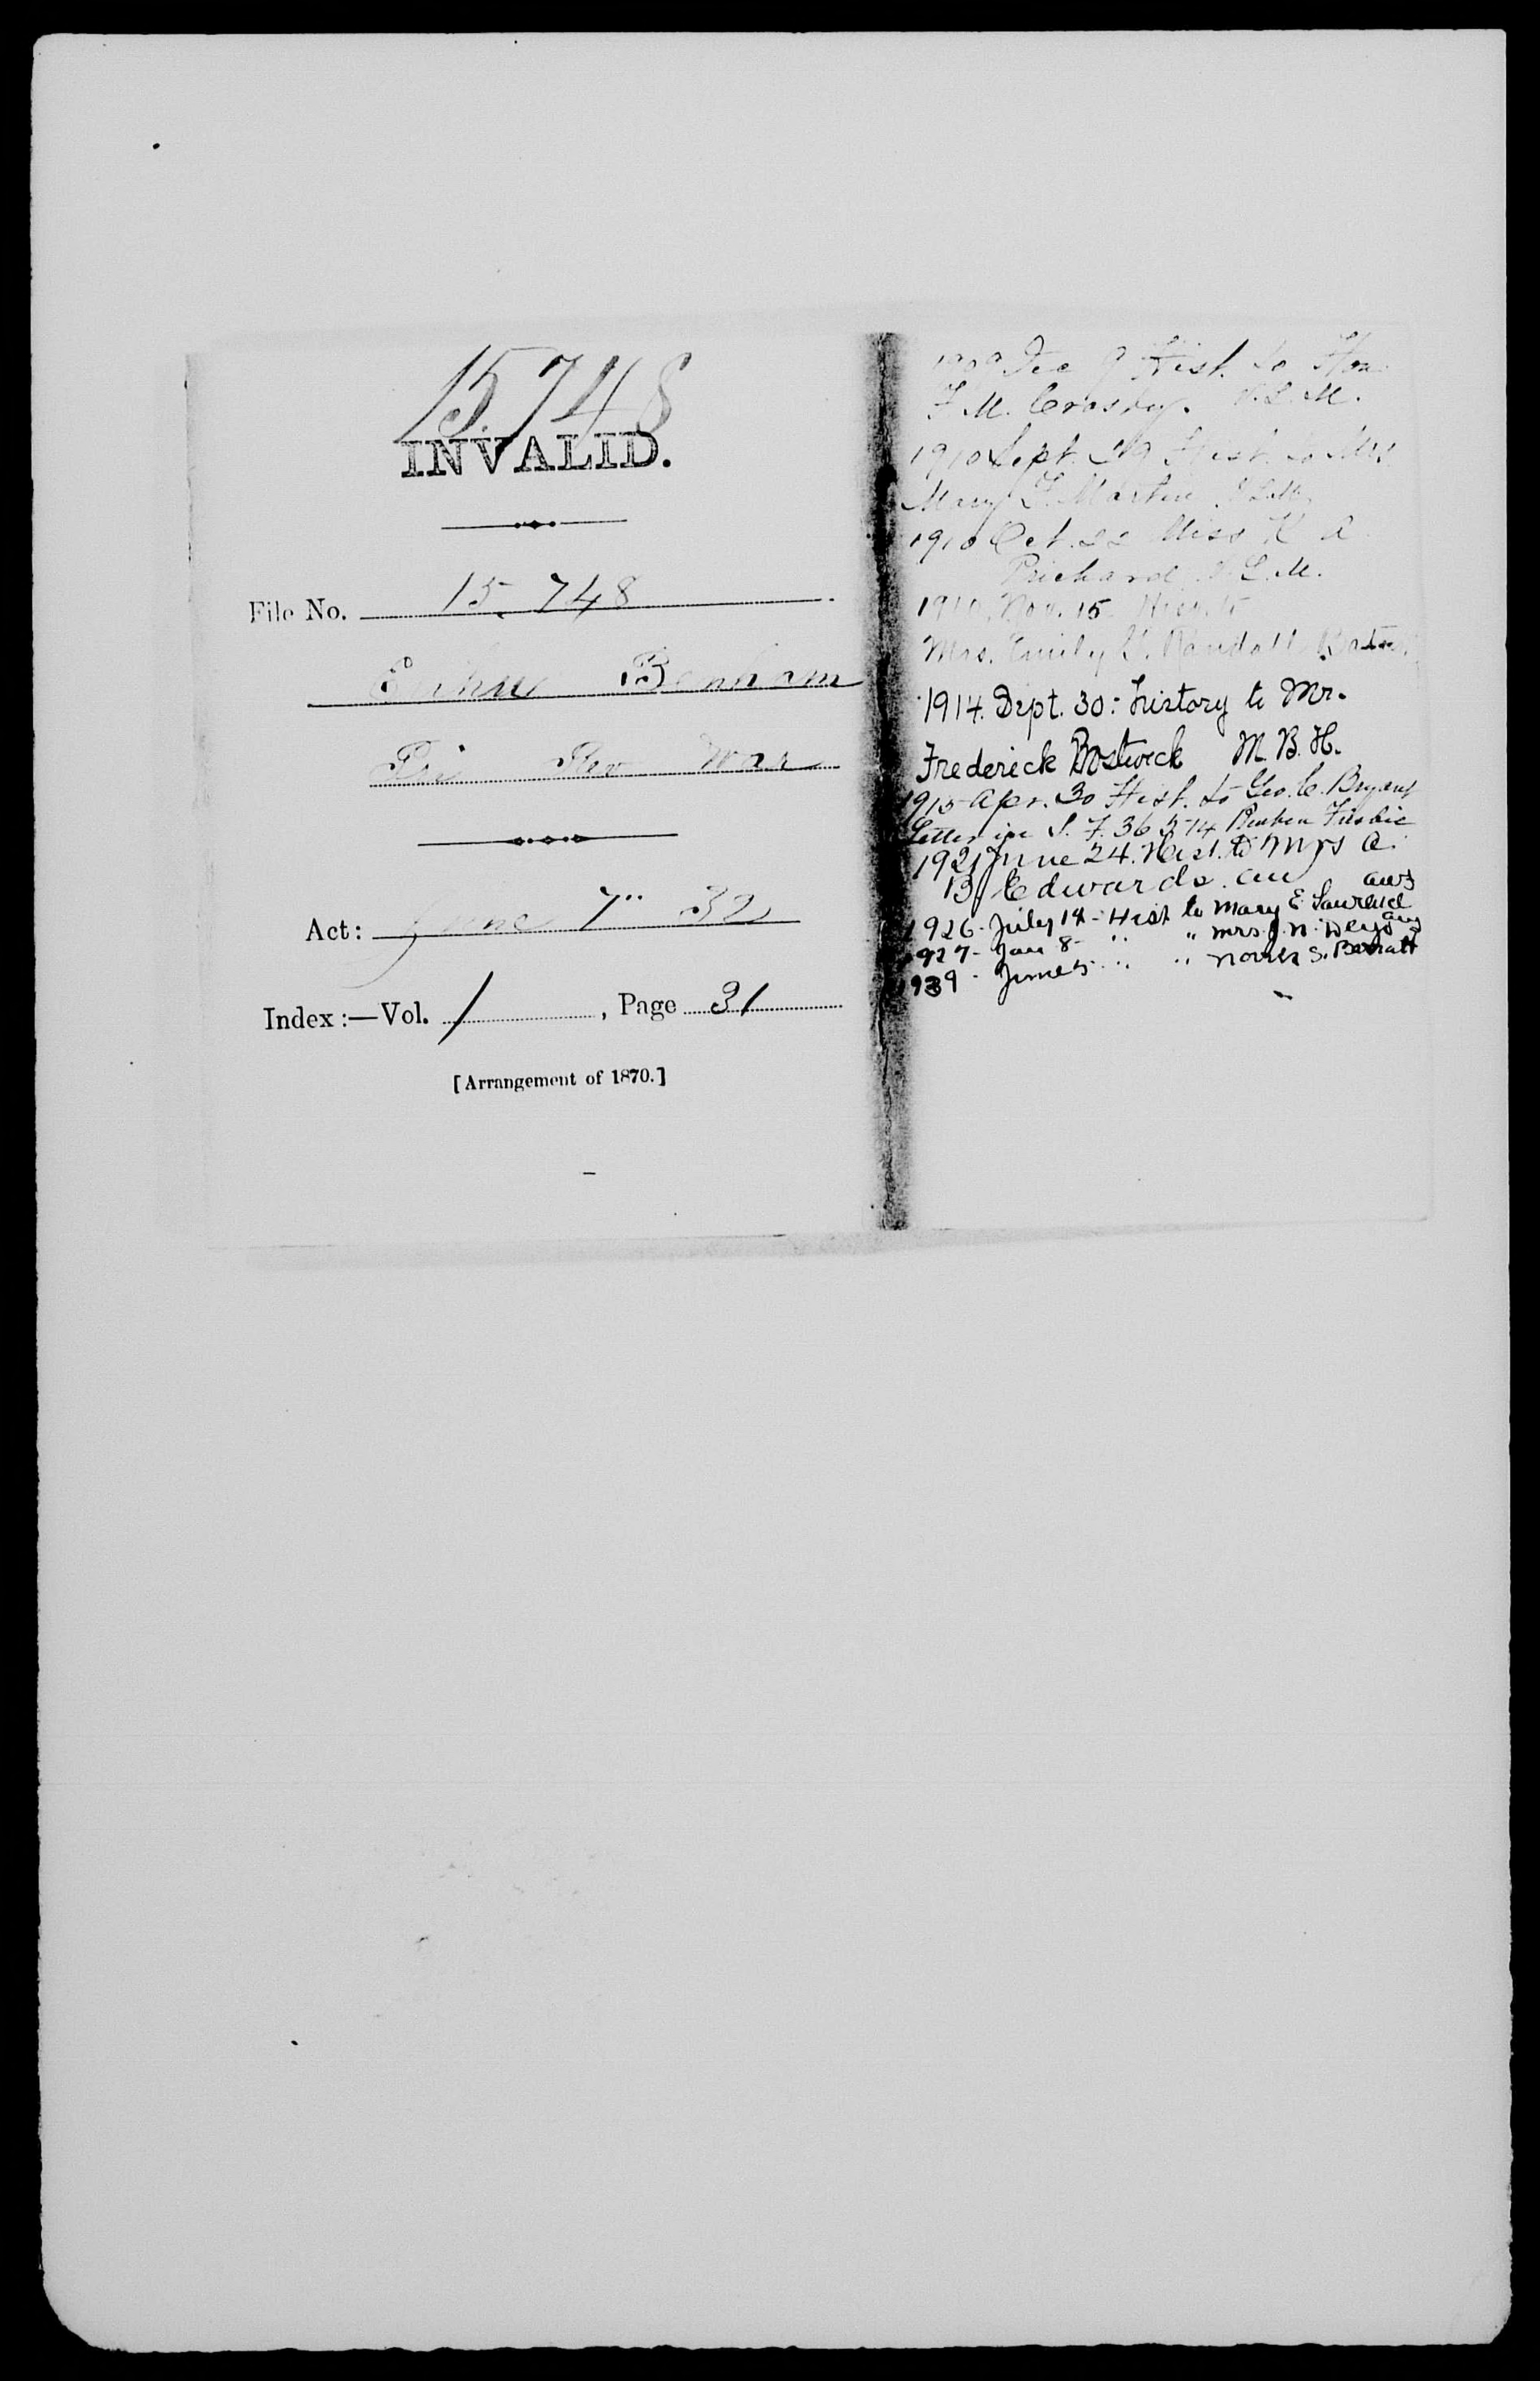15748
INVALID.
File No. 15748
Elihu Benham
Pri Rev War |
Act June 7th 32
Index: - Vol. 1, Page 31
[Arrangement of 1870] 


1909 Dec 9 Hist. to Hon F. M. Crosby J.L.M. 1910 Sept 29 Hist. to Mrs. Mary F. Martin [illegible]
1910 Oct. 22 Miss K.A. Prichard J. L. M. 
1910 Nov. 15 Hist. to Mrs. Emily G. Randall Bates 
1914. Sept.. 30. History to Mr. Frederick Bostwick M.B. H. 
1915 - Apr. 20 Hist. to Geo. C. Bryant Letter in S.F. 36574 Reuben Frisbie 
1921 June 24, Hist to Mrs A. B. Edwards [illegible] 
1926  - July 14 - Hist to Mary E Lawrence 
1927  - Jan 8 Hist. to Mrs. J.N. Day 
1939 - June 5 Hist to Norris S. Barratt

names: K A Prichard, Reuben Frisbie, Mary F Martin, A B Edwards, F M Crosbey, Frederick Bostwick, Elihu Benham, J N Deyo, Emily G Randall, Mary E Laurence, Norris S Barratt, Geo C Bryant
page: 18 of 45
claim: survivor's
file: S. 15748, Elihu Benham, Conn.